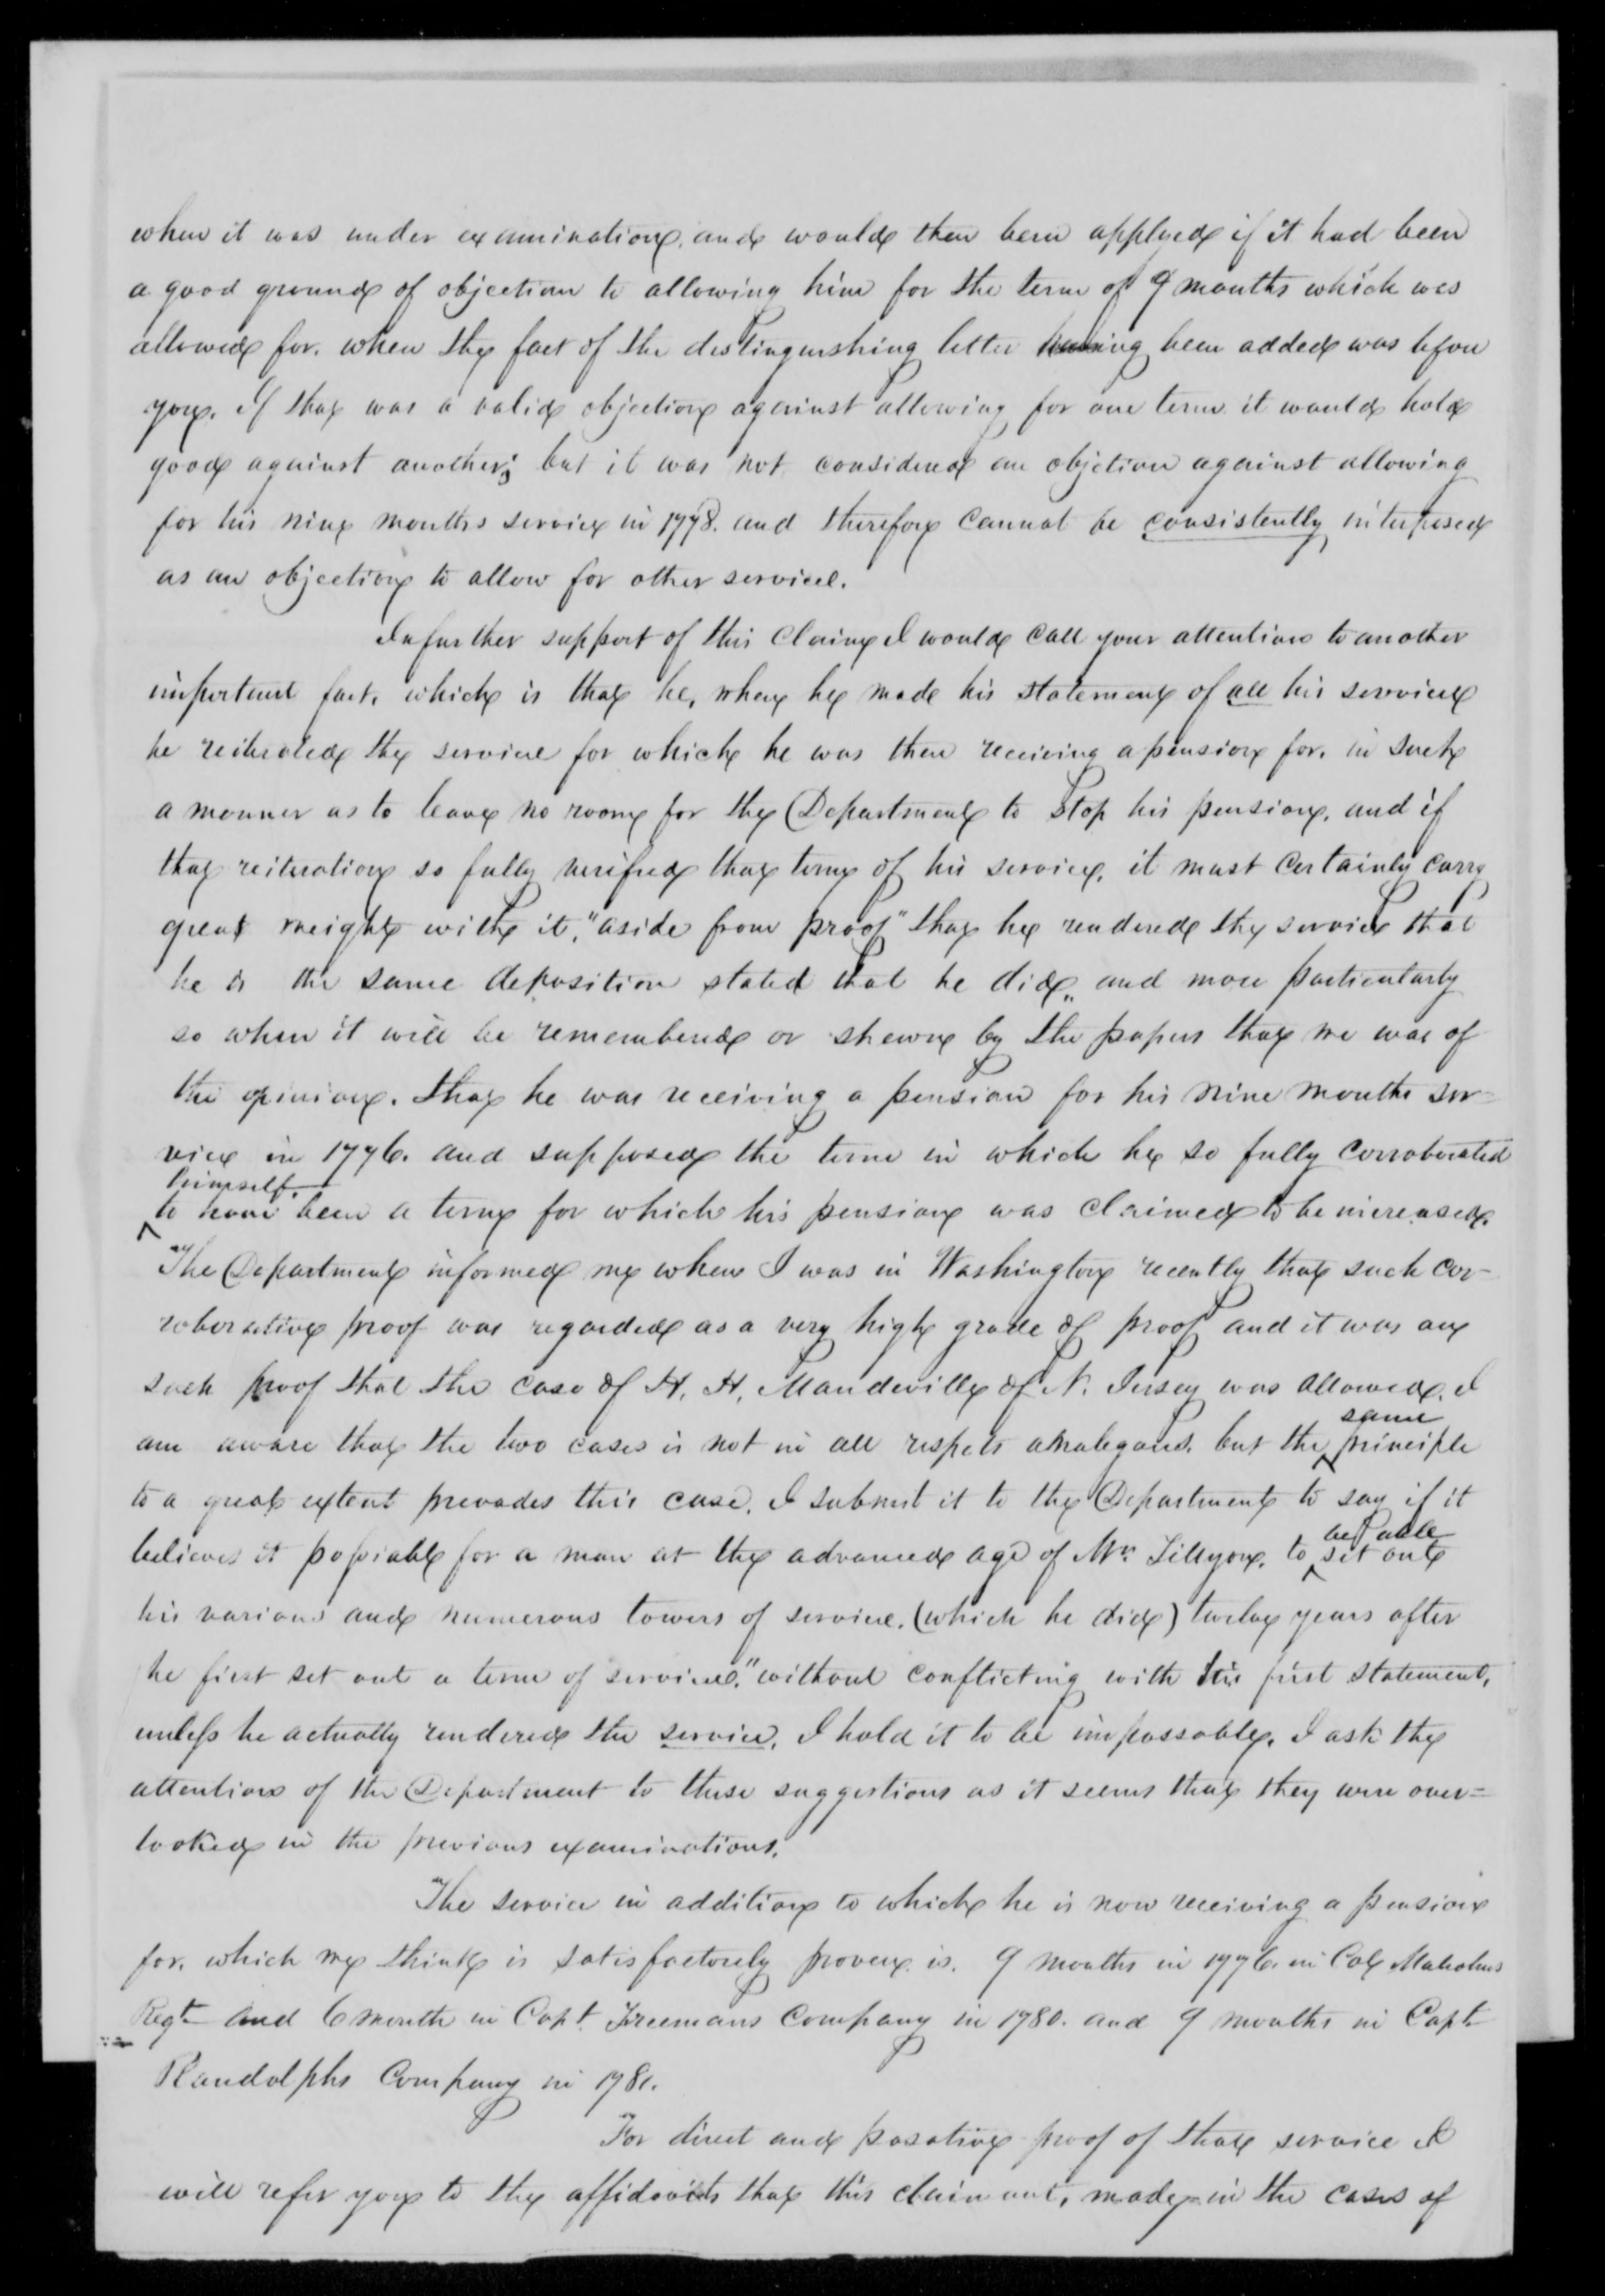when it was under examination and would then been applied if it had been a good grounds of objection to allowing him for the term of 9 months which was allowed for. When the fact of the distinguishing letter having been added was before you. If that was a valid objection against allowing for one term it would hold good against another; but it was not considered an objection against allowing for his nine months service in 1778. and therefore cannot be consistently  interposed as an objection to allow for other service.

In further support of this claim I would call your attention to another important fact, which is that he, when he made his statement of all his service he reiterated the service for which he was then receiving a pension for, in such a manner as to leave no room for the Department to stop his pension, and if that reiteration so fully verified that term of his service , it must certainly carry great weight with it, "aside from proof" that he rendered the service that he in the same deposition stated that he did and more particularly so when it will be remembered or shewn by the papers that he was of the opinion, that he was receiving a pension for his nine months service in 1776. and supposed the time in which he so fully corroborated ^ himself to have been a time for which his pension was claimed to be increased. The Department informed me when I was in Washington recently that such corroborating proof was regarded as a very high grade of proof, and it was as such proof that the case of H.H.Mandeville of N.Jersey was allowed. I am aware that the two cases is not in all respects analegous [analogous], but the ^ same principle to a great extent prevades this case. I submit it to this Department to say if it believes it possiable [possible] for a man at the advanced age of Mr. Tillyou to be able to set out his various and numerous towers [tours] of service (which he did) twelve years after he first set out a time of "services" without conflicting with his first statement, unless he actually rendered the service. I hold it to be impossable [impossible]. I ask the attentions of the Department to these suggestions as it seems that they were over looked in the previous examination.
  The service in addition to which he is now receiving a pension for which me thinks is satisfactorily proven is 9 months in 1776 in Col. Malcolms Regt. and 6 month in Capt. Freemans Company in 1780. and 9 months in Capt.Randolphs Company in 1781.
For direct and positive proof of that service I will refer you to the affidavit that this claimant made in the case of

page: 64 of 101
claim: widow's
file: W. 25481, for Peter V Tilyou, New Jersey